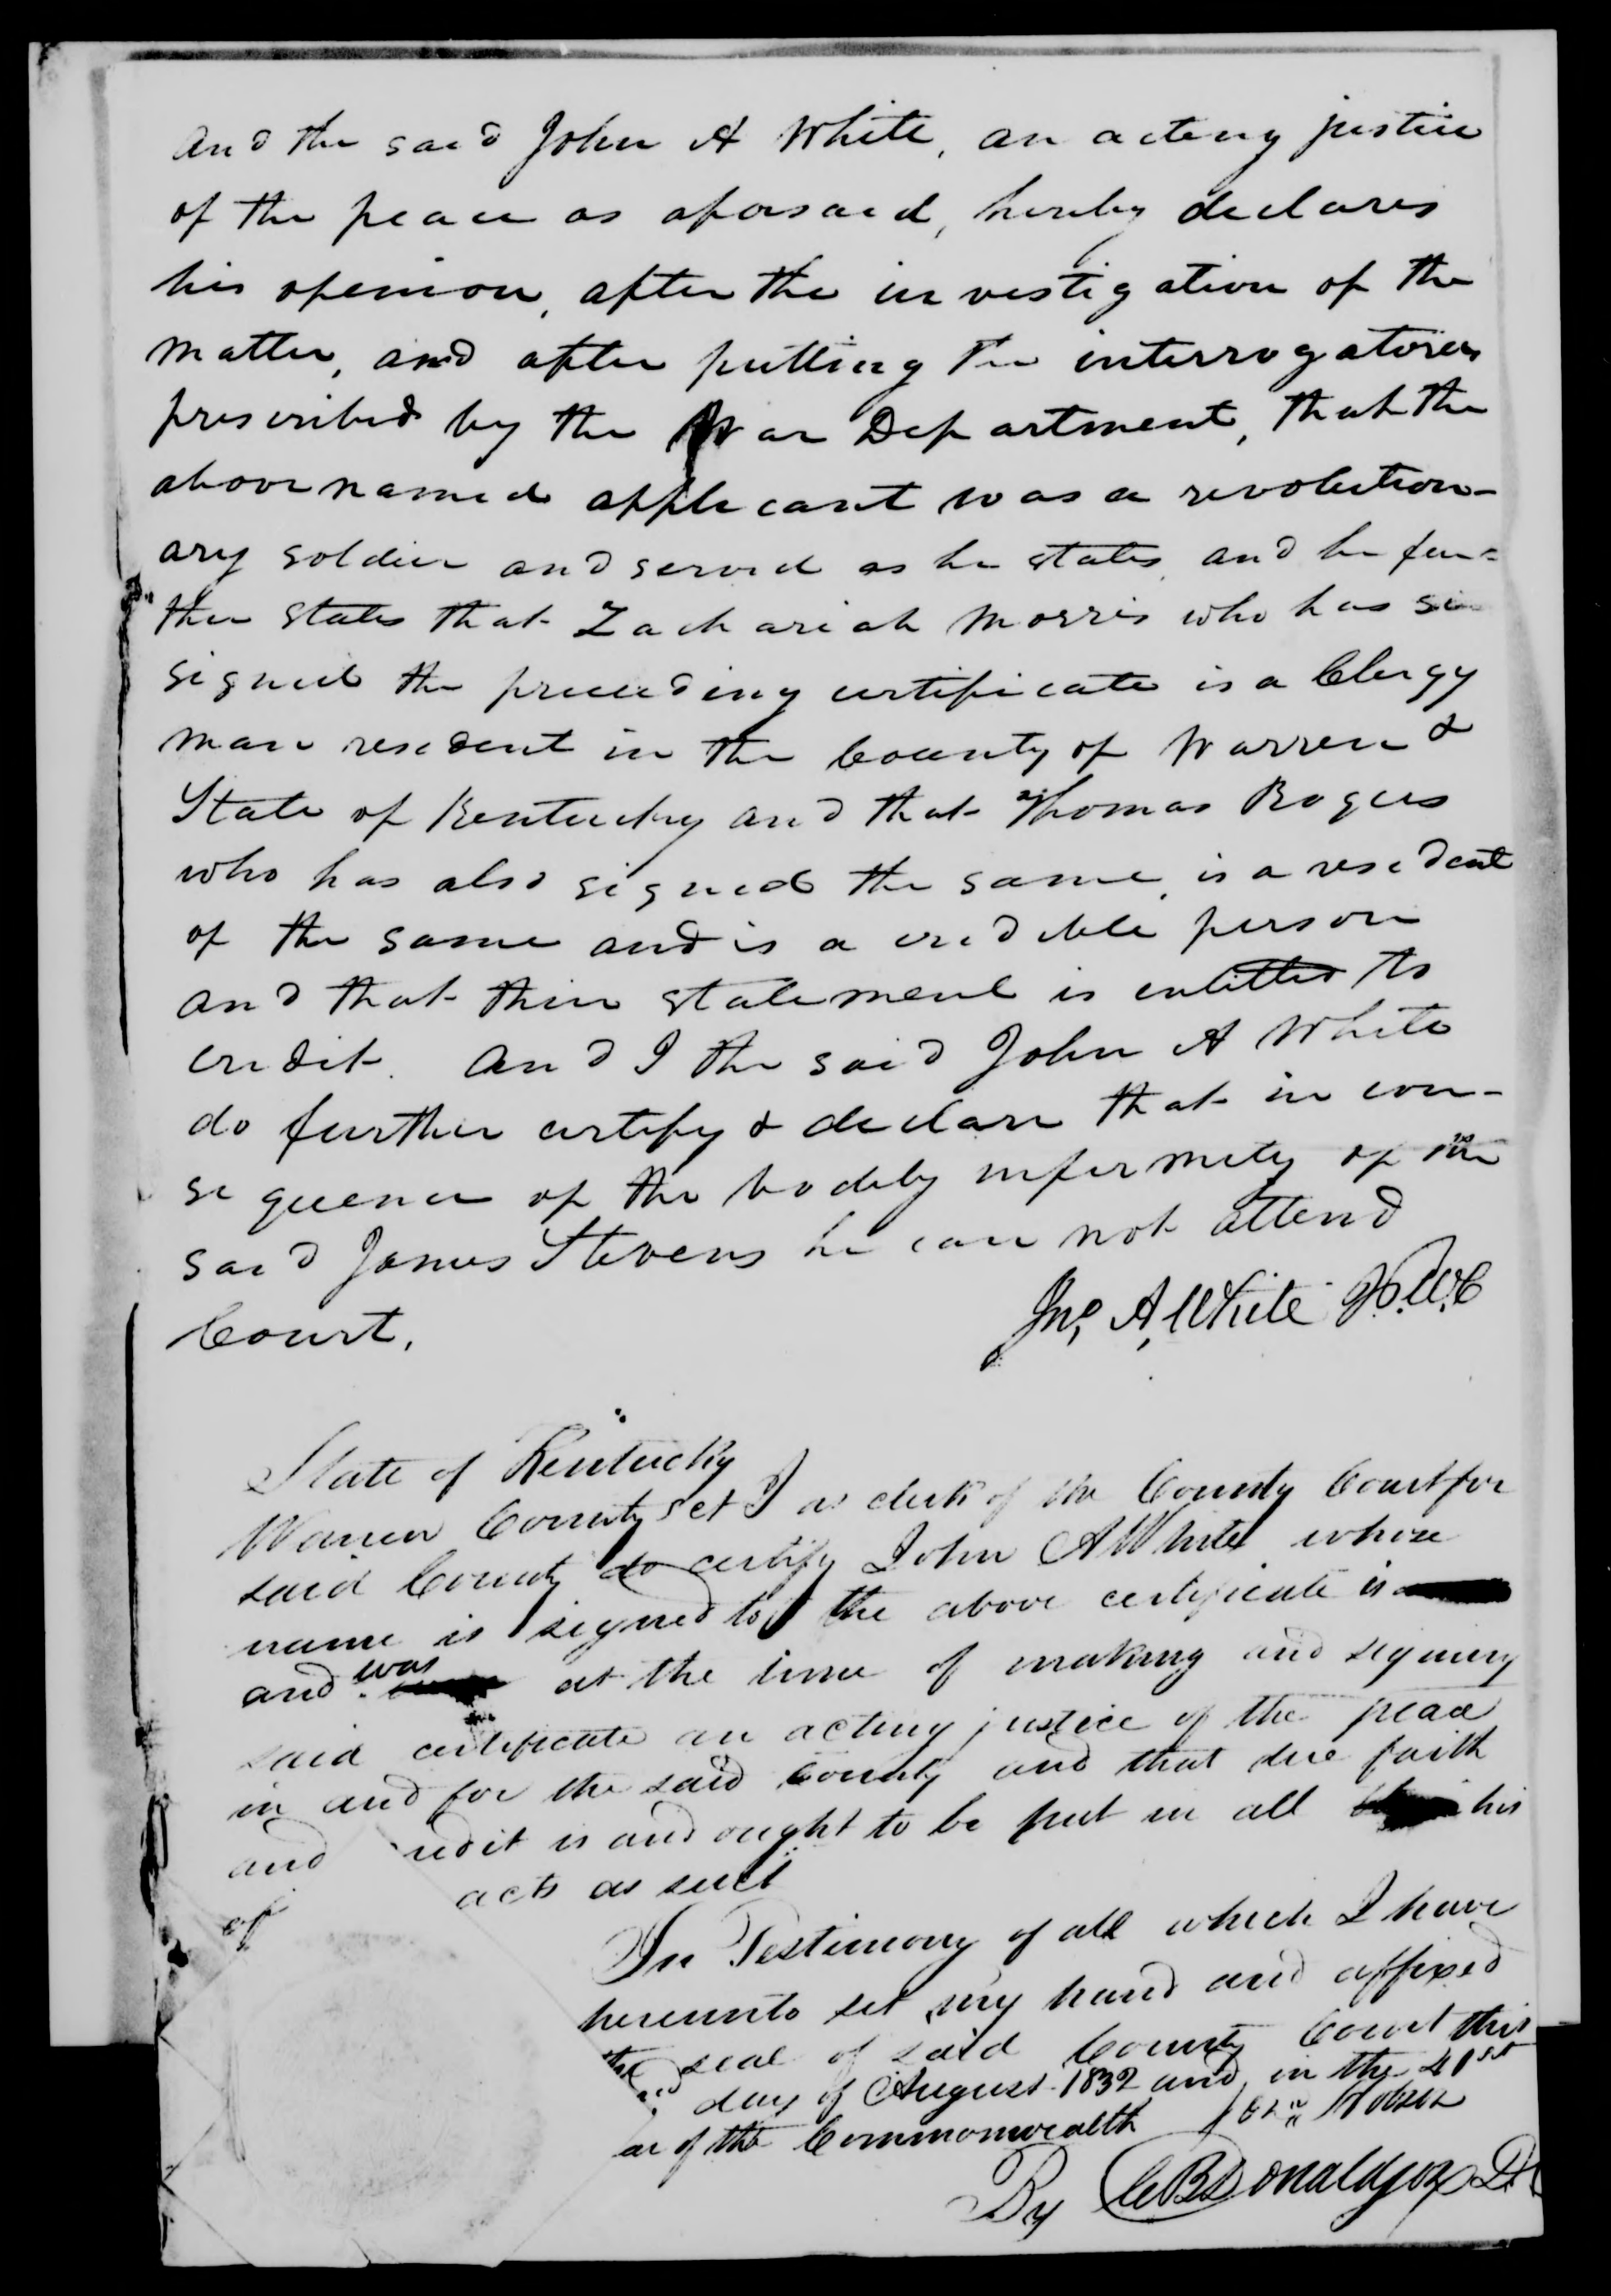and the said John A White, an acting justice of the peace as aforsaid, hereby declares his opinion, after the investigation of the matter, and after putting the interrogatorer prescribed by the War Department, that the above named applicant was a revolutionary soldier and served as he states and he further states that Zachariah Morris who has si signed the preceeding certificate is a Clergy man resident in the County of Warren & State of Kentucky and that Thomas Bogus who has also signed the same is a resident of the same and is a credible person and that their statement is entitled to credit. And I the said John A White do further certify & declare that in consequence of the bodily infirmity of the said James Stevens he can not attend Court.
Jno A White JP WC

State of Kentucky
Warren Count set I a clerk of the County Court for said County do certify John A White whose name is signed to the above certificate is and was at the time of making and signing said certificate an acting justice of the peace in and for the said County and that due faith and [partially cut off by another page] redit is and ought to be put in all his of [cut off by another page] acts as well
In Testimony of all which I have hereunto set my hand and affixed the seal of said County Court this 1st [cut off] of the Commonwealth for Hobson
By Cleb Donaldson D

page: 81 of 99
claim: widow's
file: W 8766, for James Stevens, Virginia